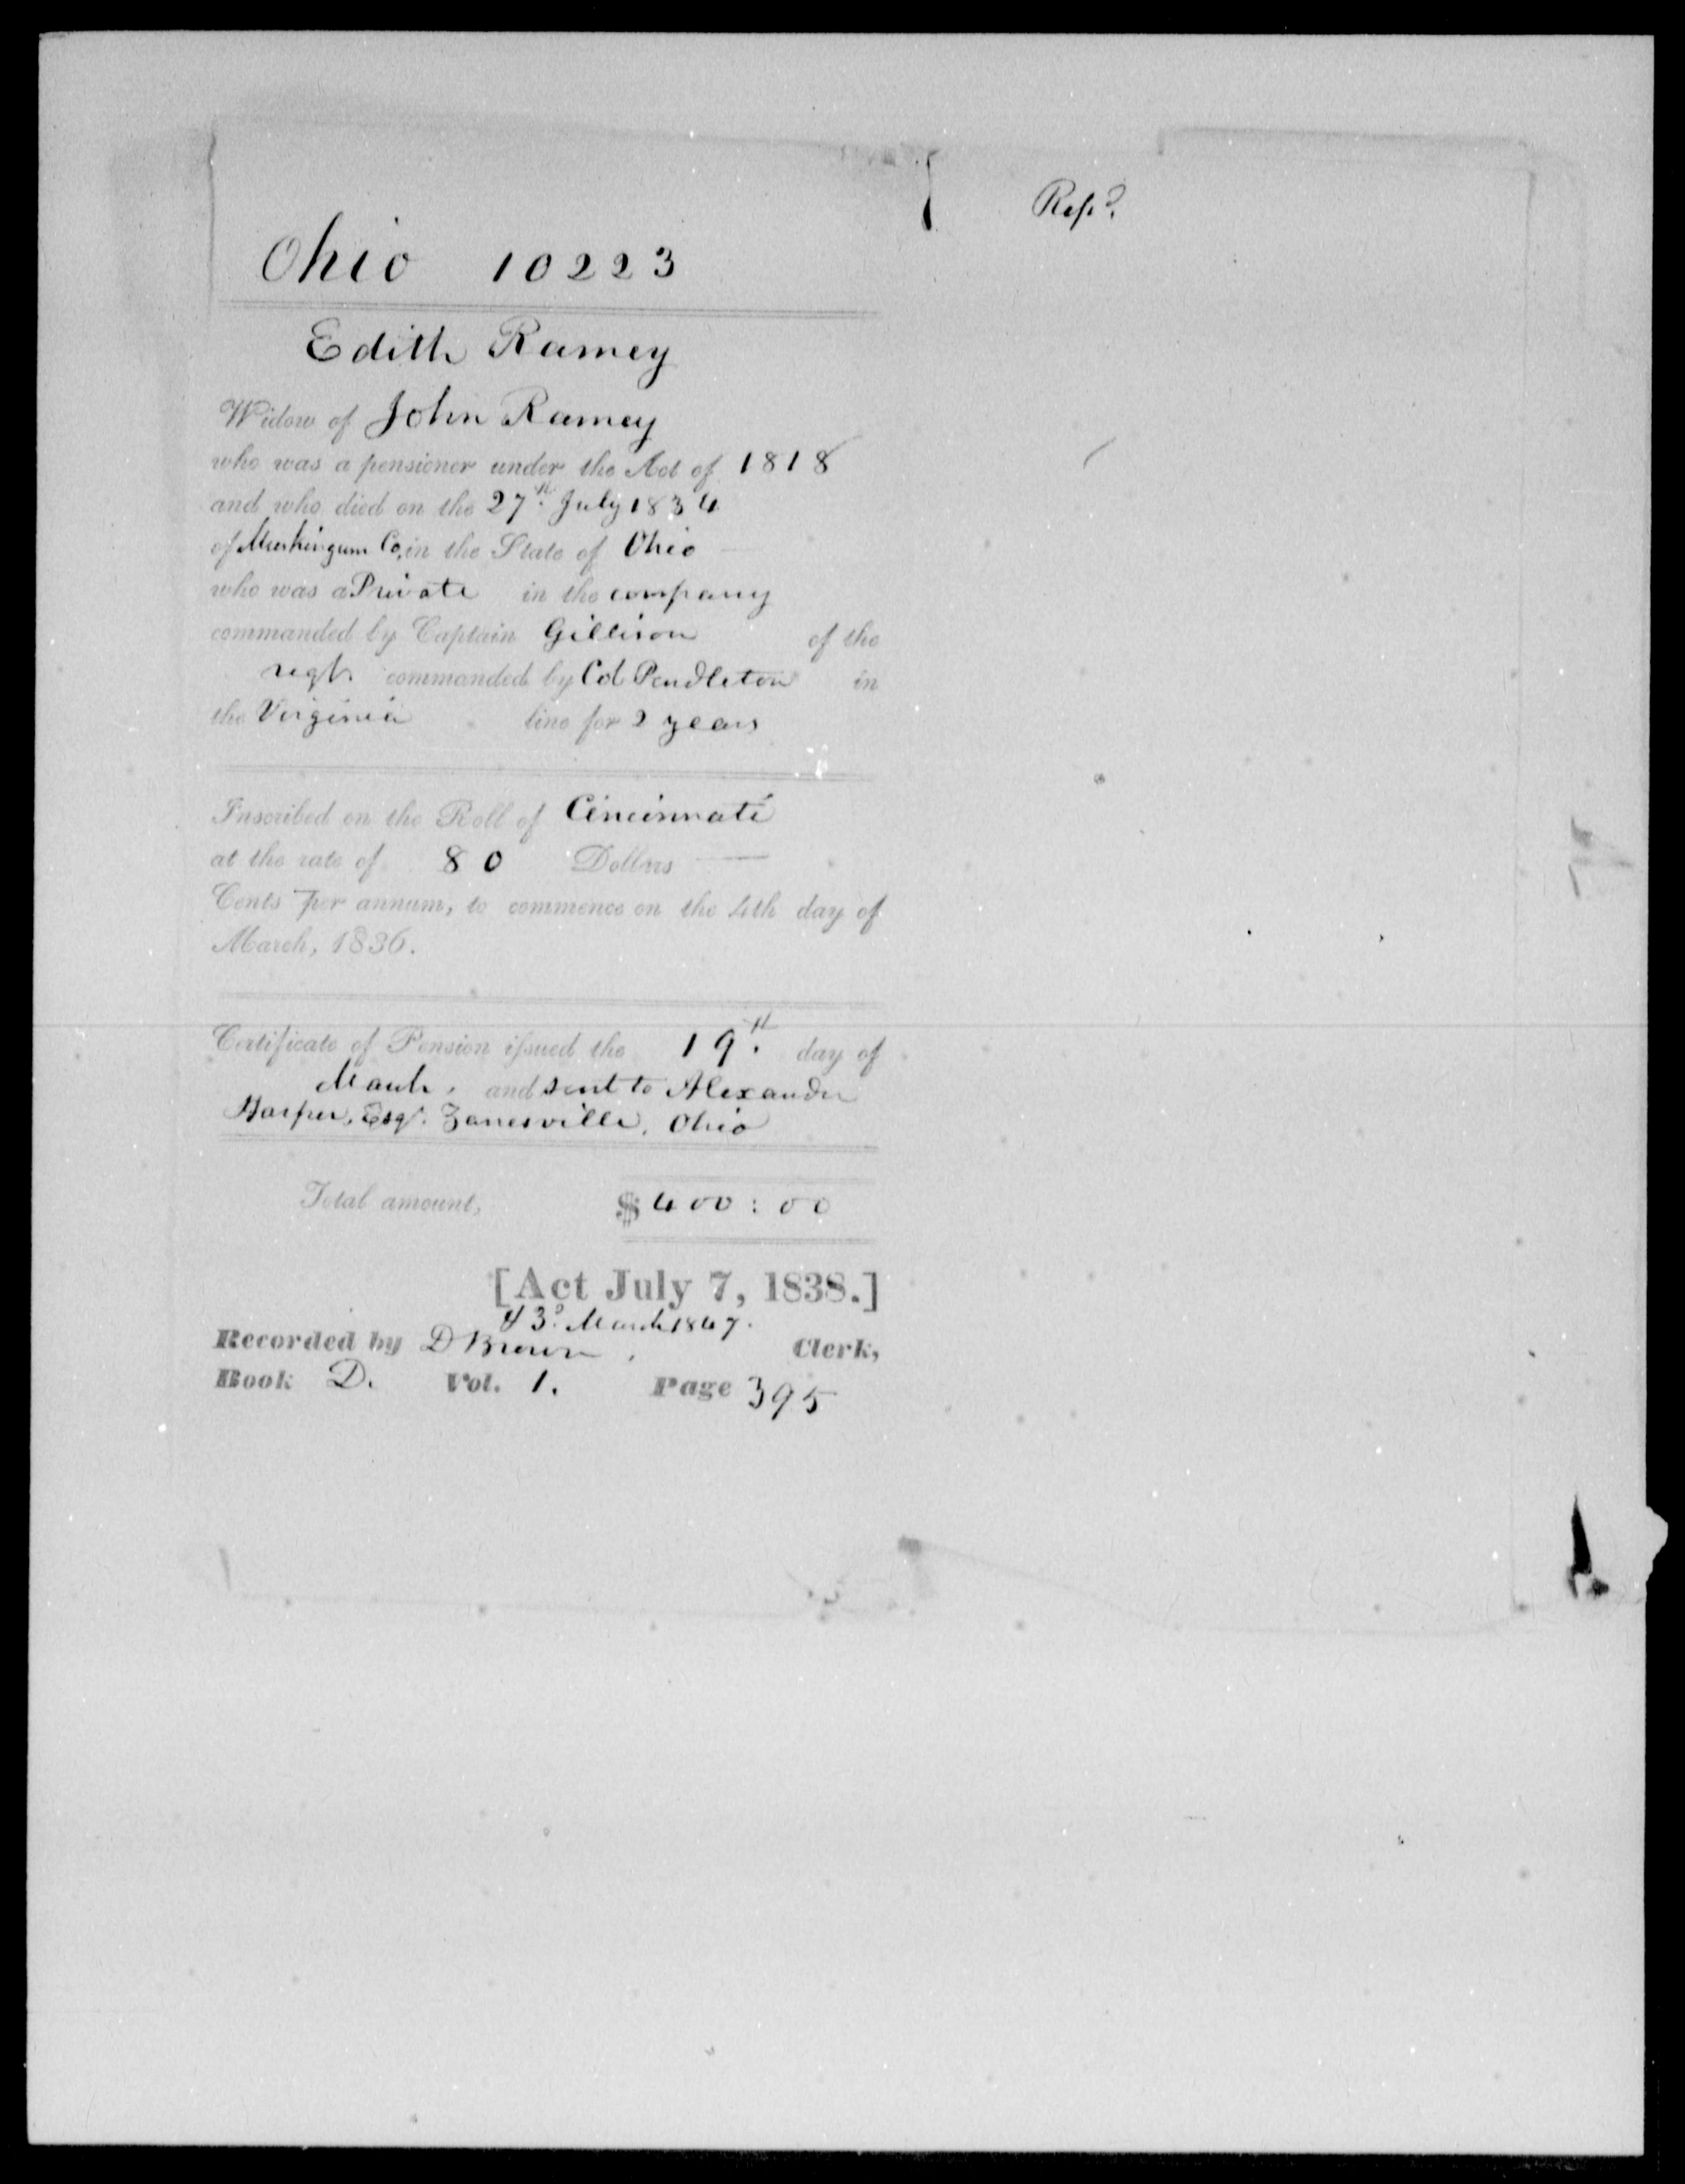Repd.
Ohio 10223
Edith Ramey
Widow of John Ramey
who was a pensioner under the Act of 1818
and who died on the 27th July 1834
of Muskingum Co. in the State of Ohio
who was a Private in the company commanded by Captain Gillison of the regt. commanded by Col Pendleton in the Virginia line for 2 years
Inscribed on the Roll of Cincinnati
at the rate of 80 Dollars - Cents per annum, to commence on the 4th day of March, 1836.
Certificate of Pension issued the 19th day of March, and sent to Alexander Harper, Esqr. Zanesville, Ohio
Total amount, $400:00
(Act July 7, 1838.)
& 3d. March 1847
Recorded by D Brown, Clerk,
Book D. Vol. 1. Page 395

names: [BLANK] Pendleton; D Brown; Alexander Harper; [BLANK] Gillison; Edith Ramey; John Ramey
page: 29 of 84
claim: widow's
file: W.11104, for John Remay, Virginia